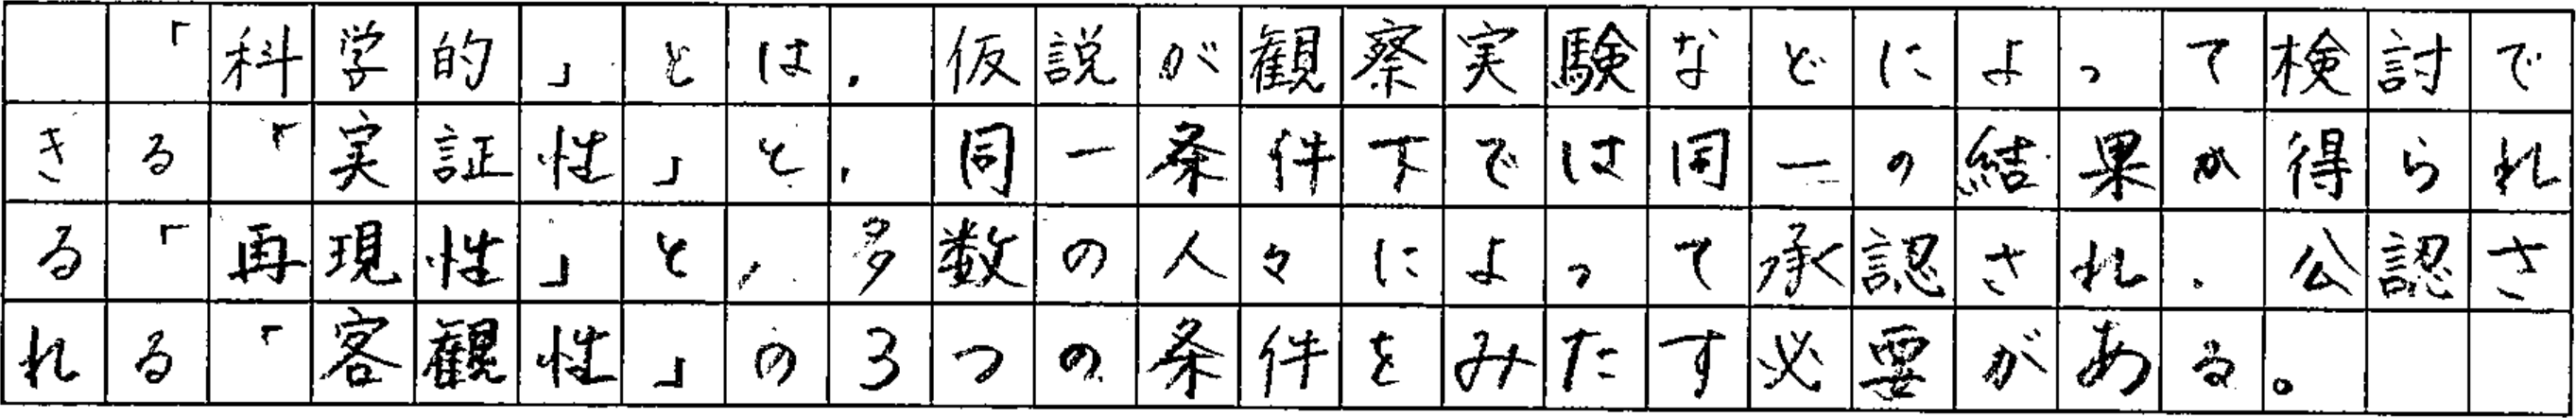　「科学的」とは、仮説が観察実験などによって検討できる「実証性」と、同一条件下では同一の結果が得られる「再現性」と、多数の人々によって承認され、公認される「客観性」の３つの条件をみたす必要がある。
